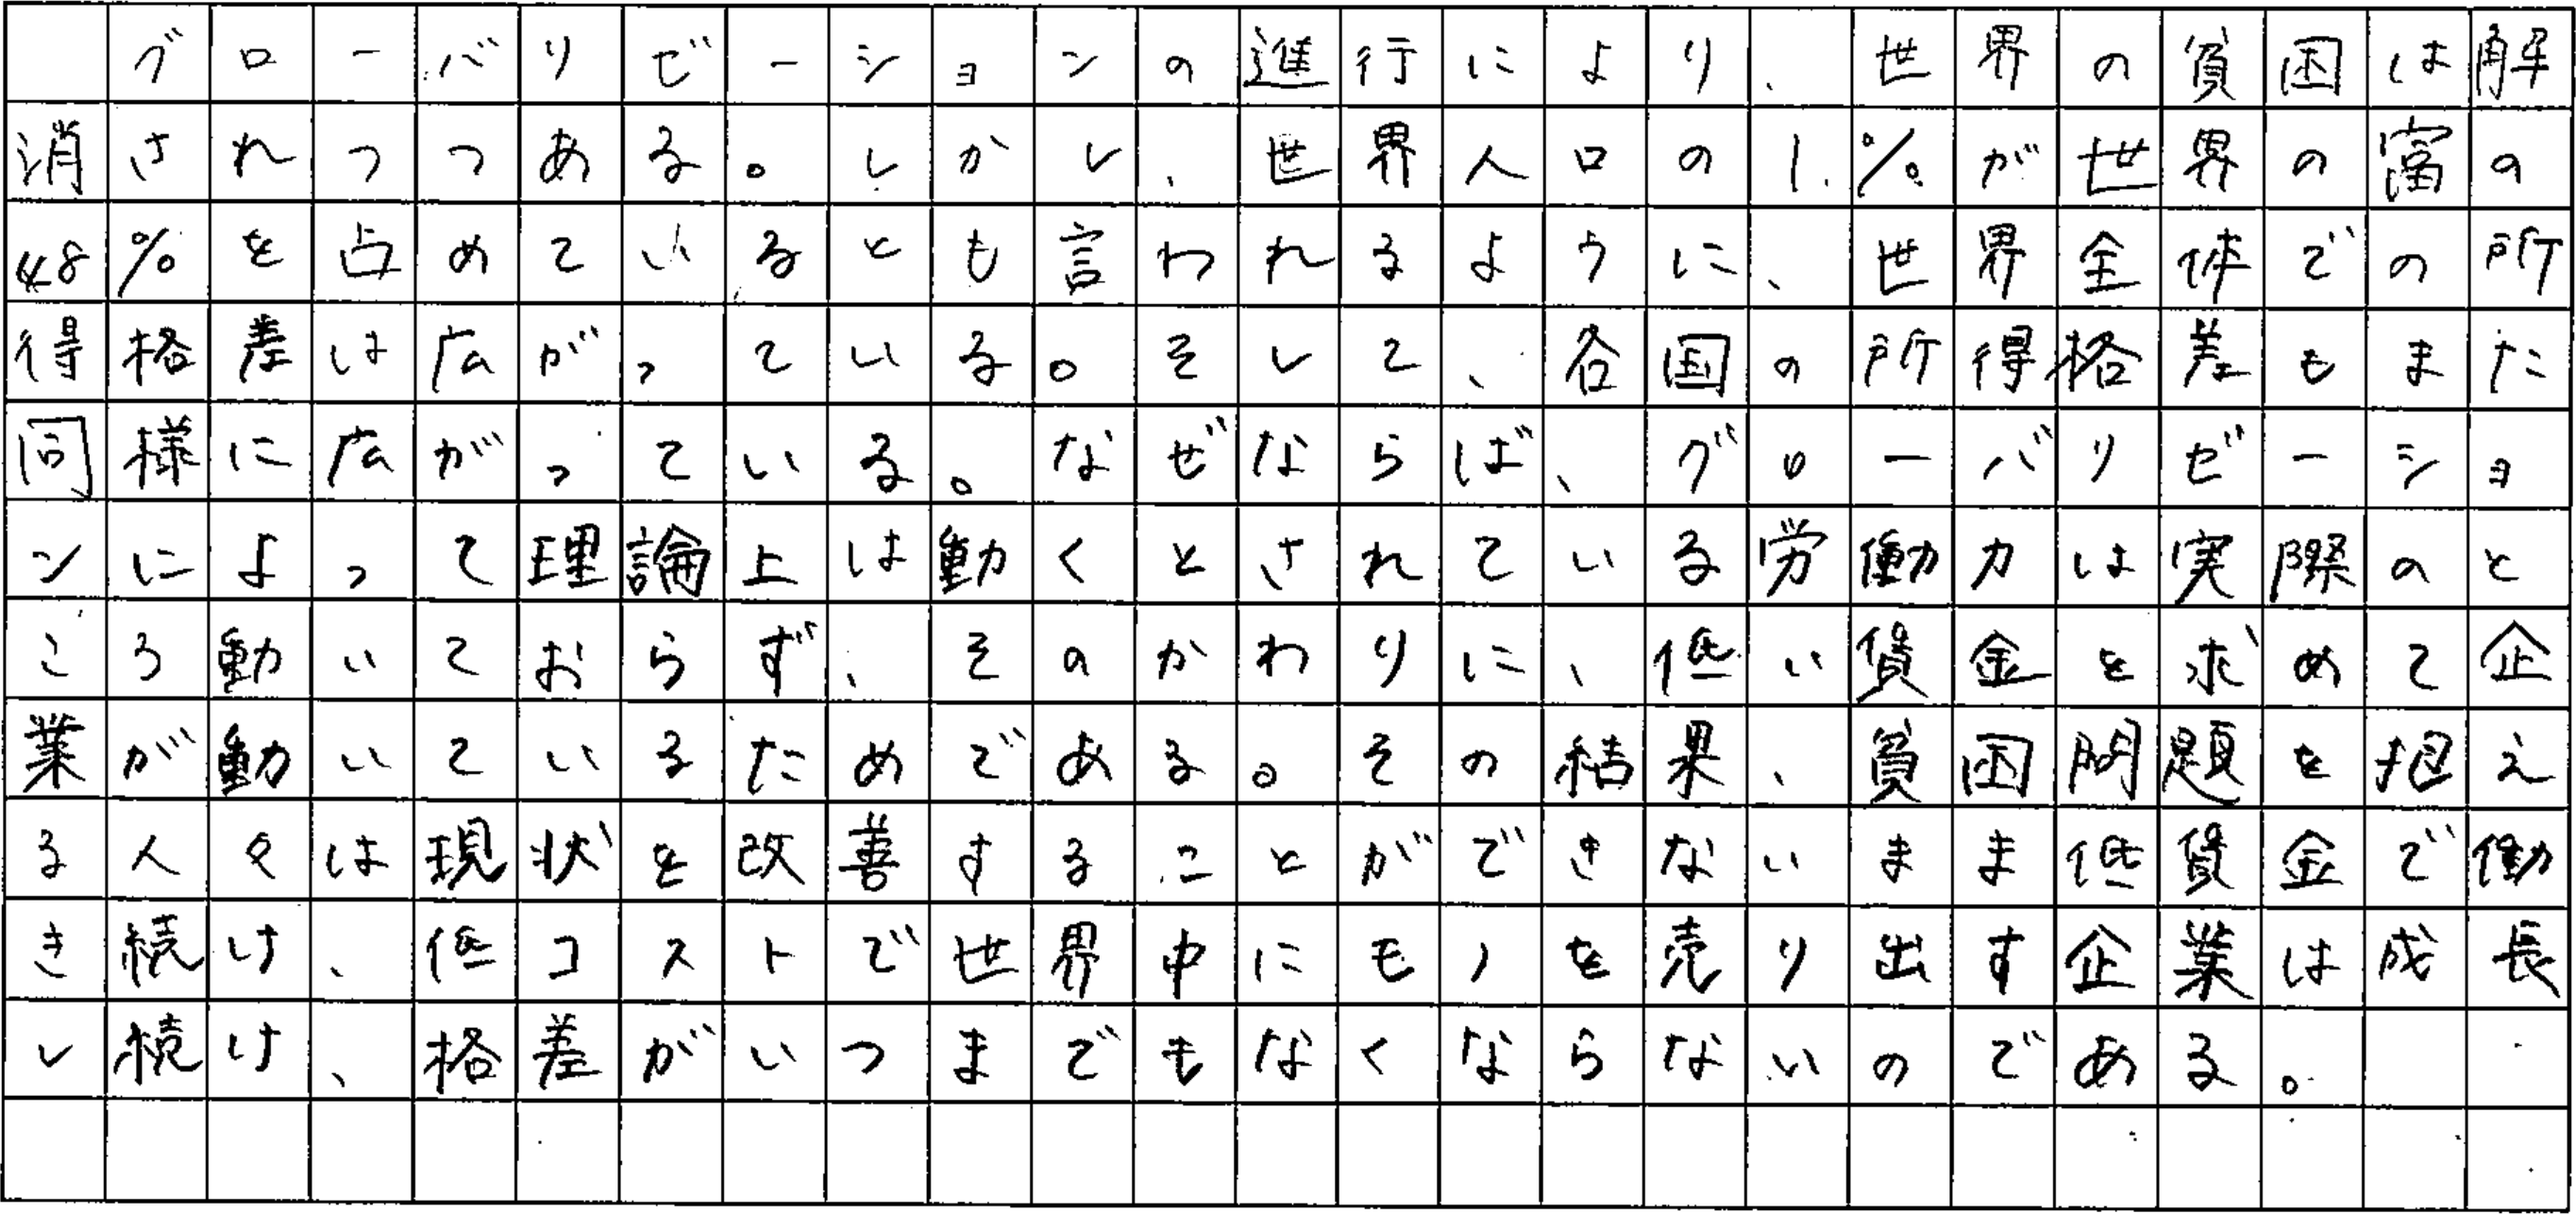　グローバリゼーションの進行により、世界の貧困は解消されつつある。しかし、世界人口の１％が世界の富の４８％を占めているとも言われるように、世界全体での所得格差は広がっている。そして、各国の所得格差もまた同様に広がっている。なぜならば、グローバリゼーションによって理論上は動くとされている労働力は実際のところ動いておらず、そのかわりに、低い賃金を求めて企業が動いているためである。その結果、貧困問題を抱える人々は現状を改善することができないまま低賃金で働き続け、低コストで世界中にモノを売り出す企業は成長し続け、格差がいつまでもなくならないのである。
